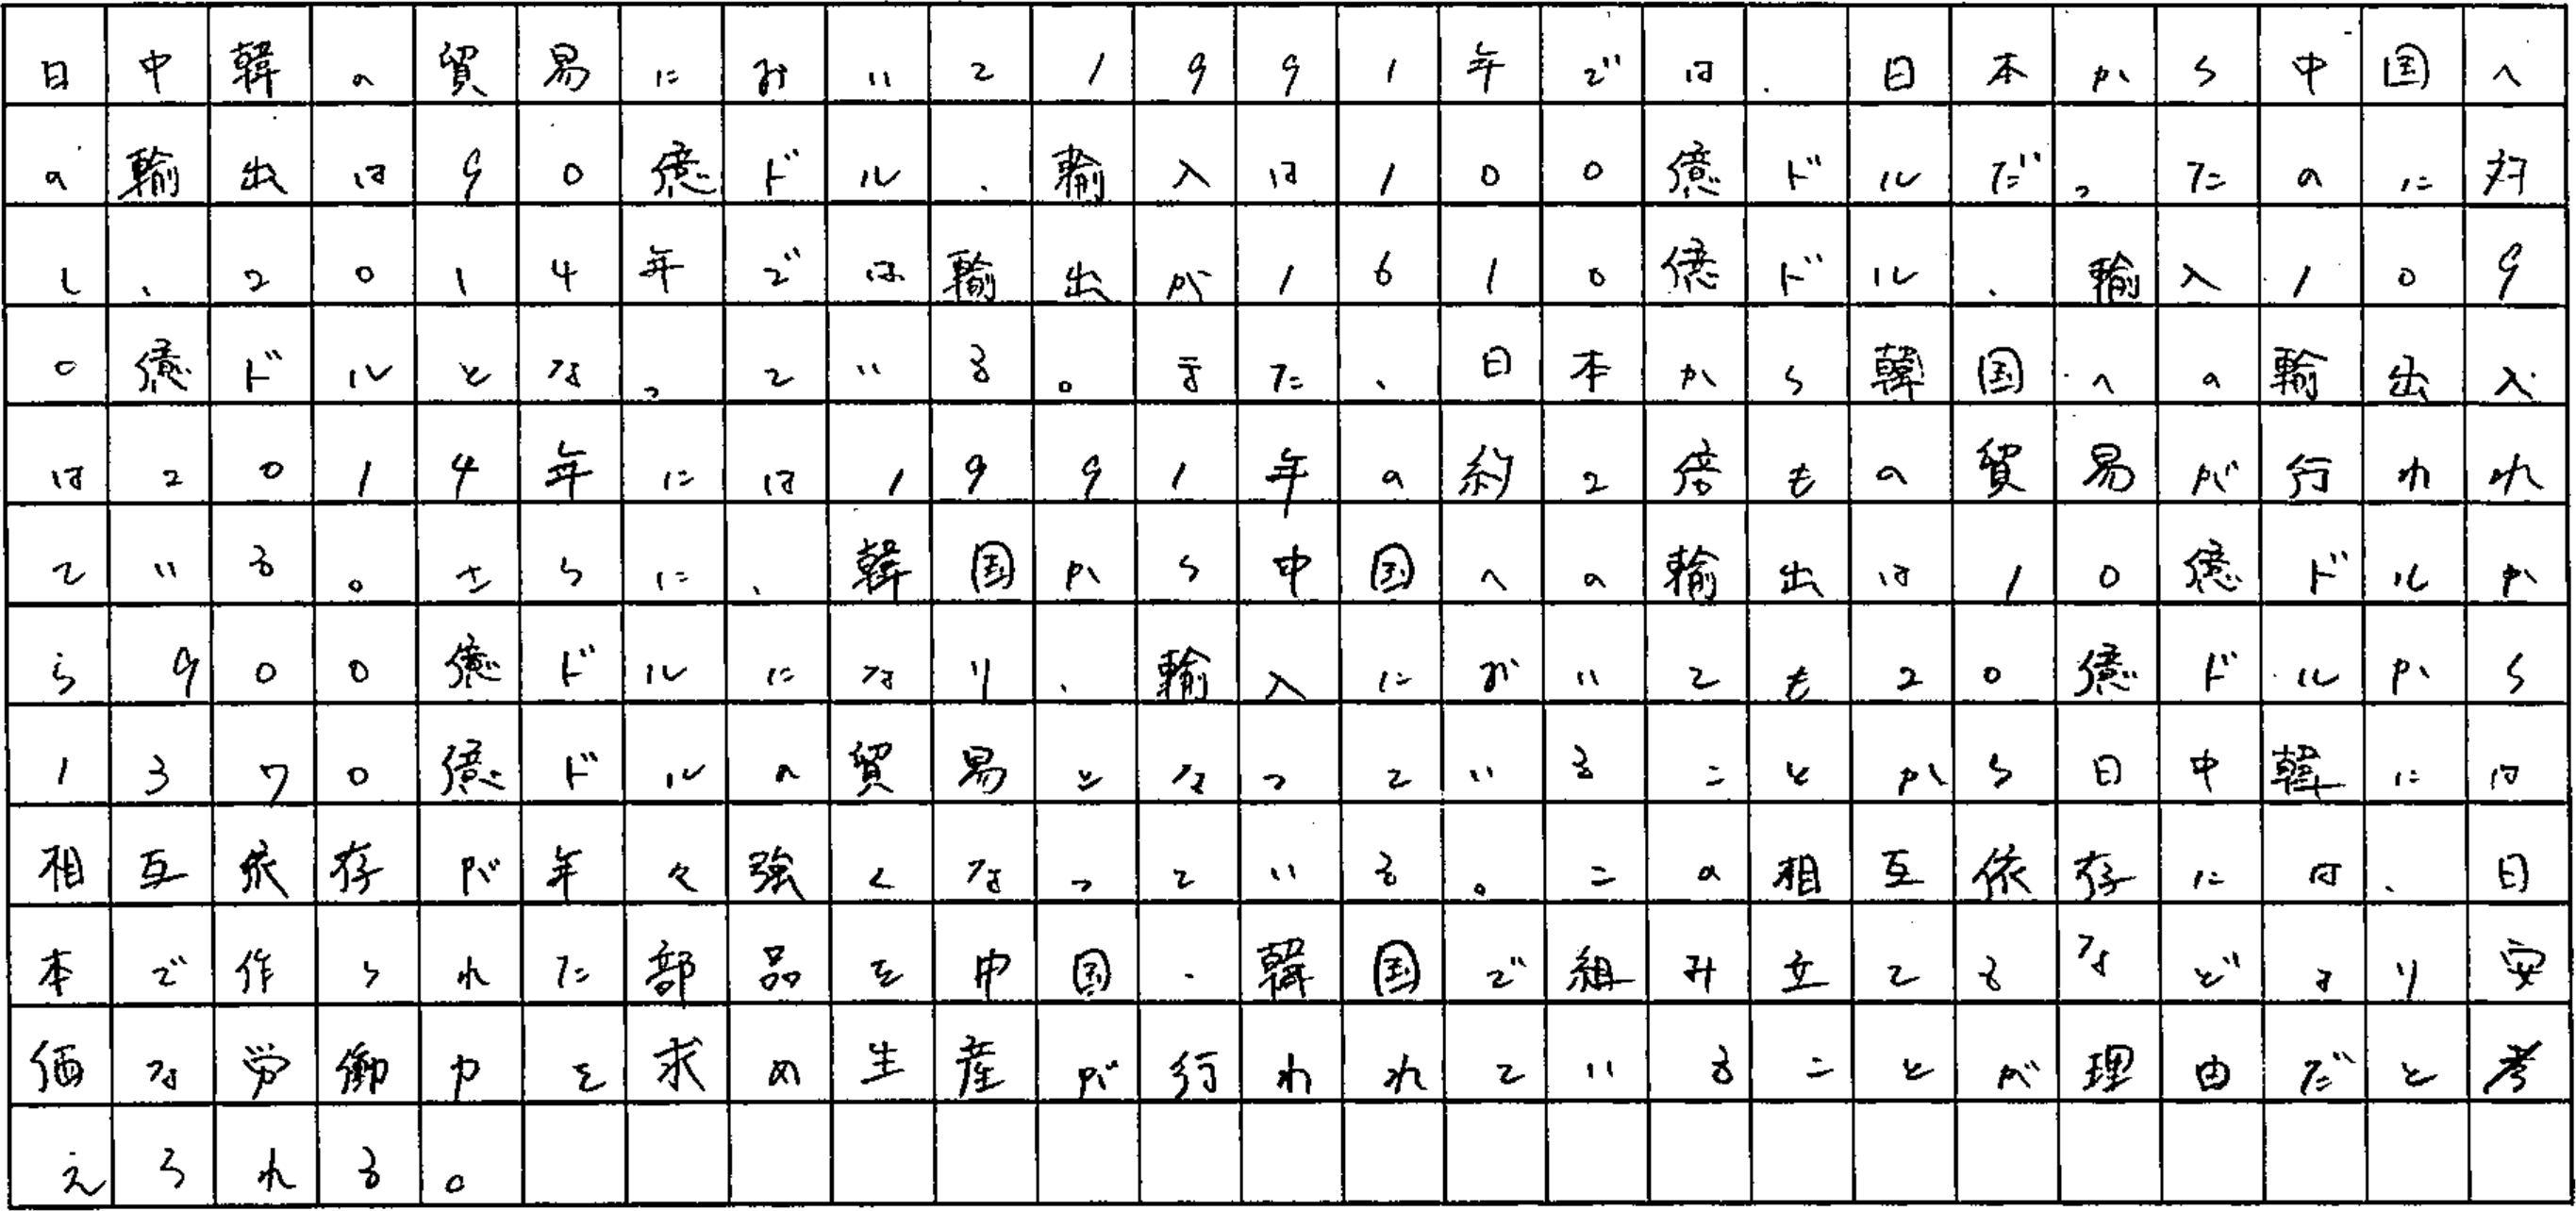日中韓の貿易において１９９１年では、日本から中国への輸出は９０億ドル、輸入は１００億ドルだったのに対し、２０１４年では輸出が１６１０億ドル、輸入１０９０億ドルとなっている。また、日本から韓国への輸出入は２０１４年には１９９１年の約２倍もの貿易が行われている。さらに、韓国から中国への輸出は１０億ドルから９００億ドルになり、輸入においても２０億ドルから１３７０億ドルの貿易となっていることから日中韓には相互依存が年々強くなっている。この相互依存には、日本で作られた部品を中国・韓国で組み立てるなどより安価な労働力を求め生産が行われていることが理由だと考えられる。
